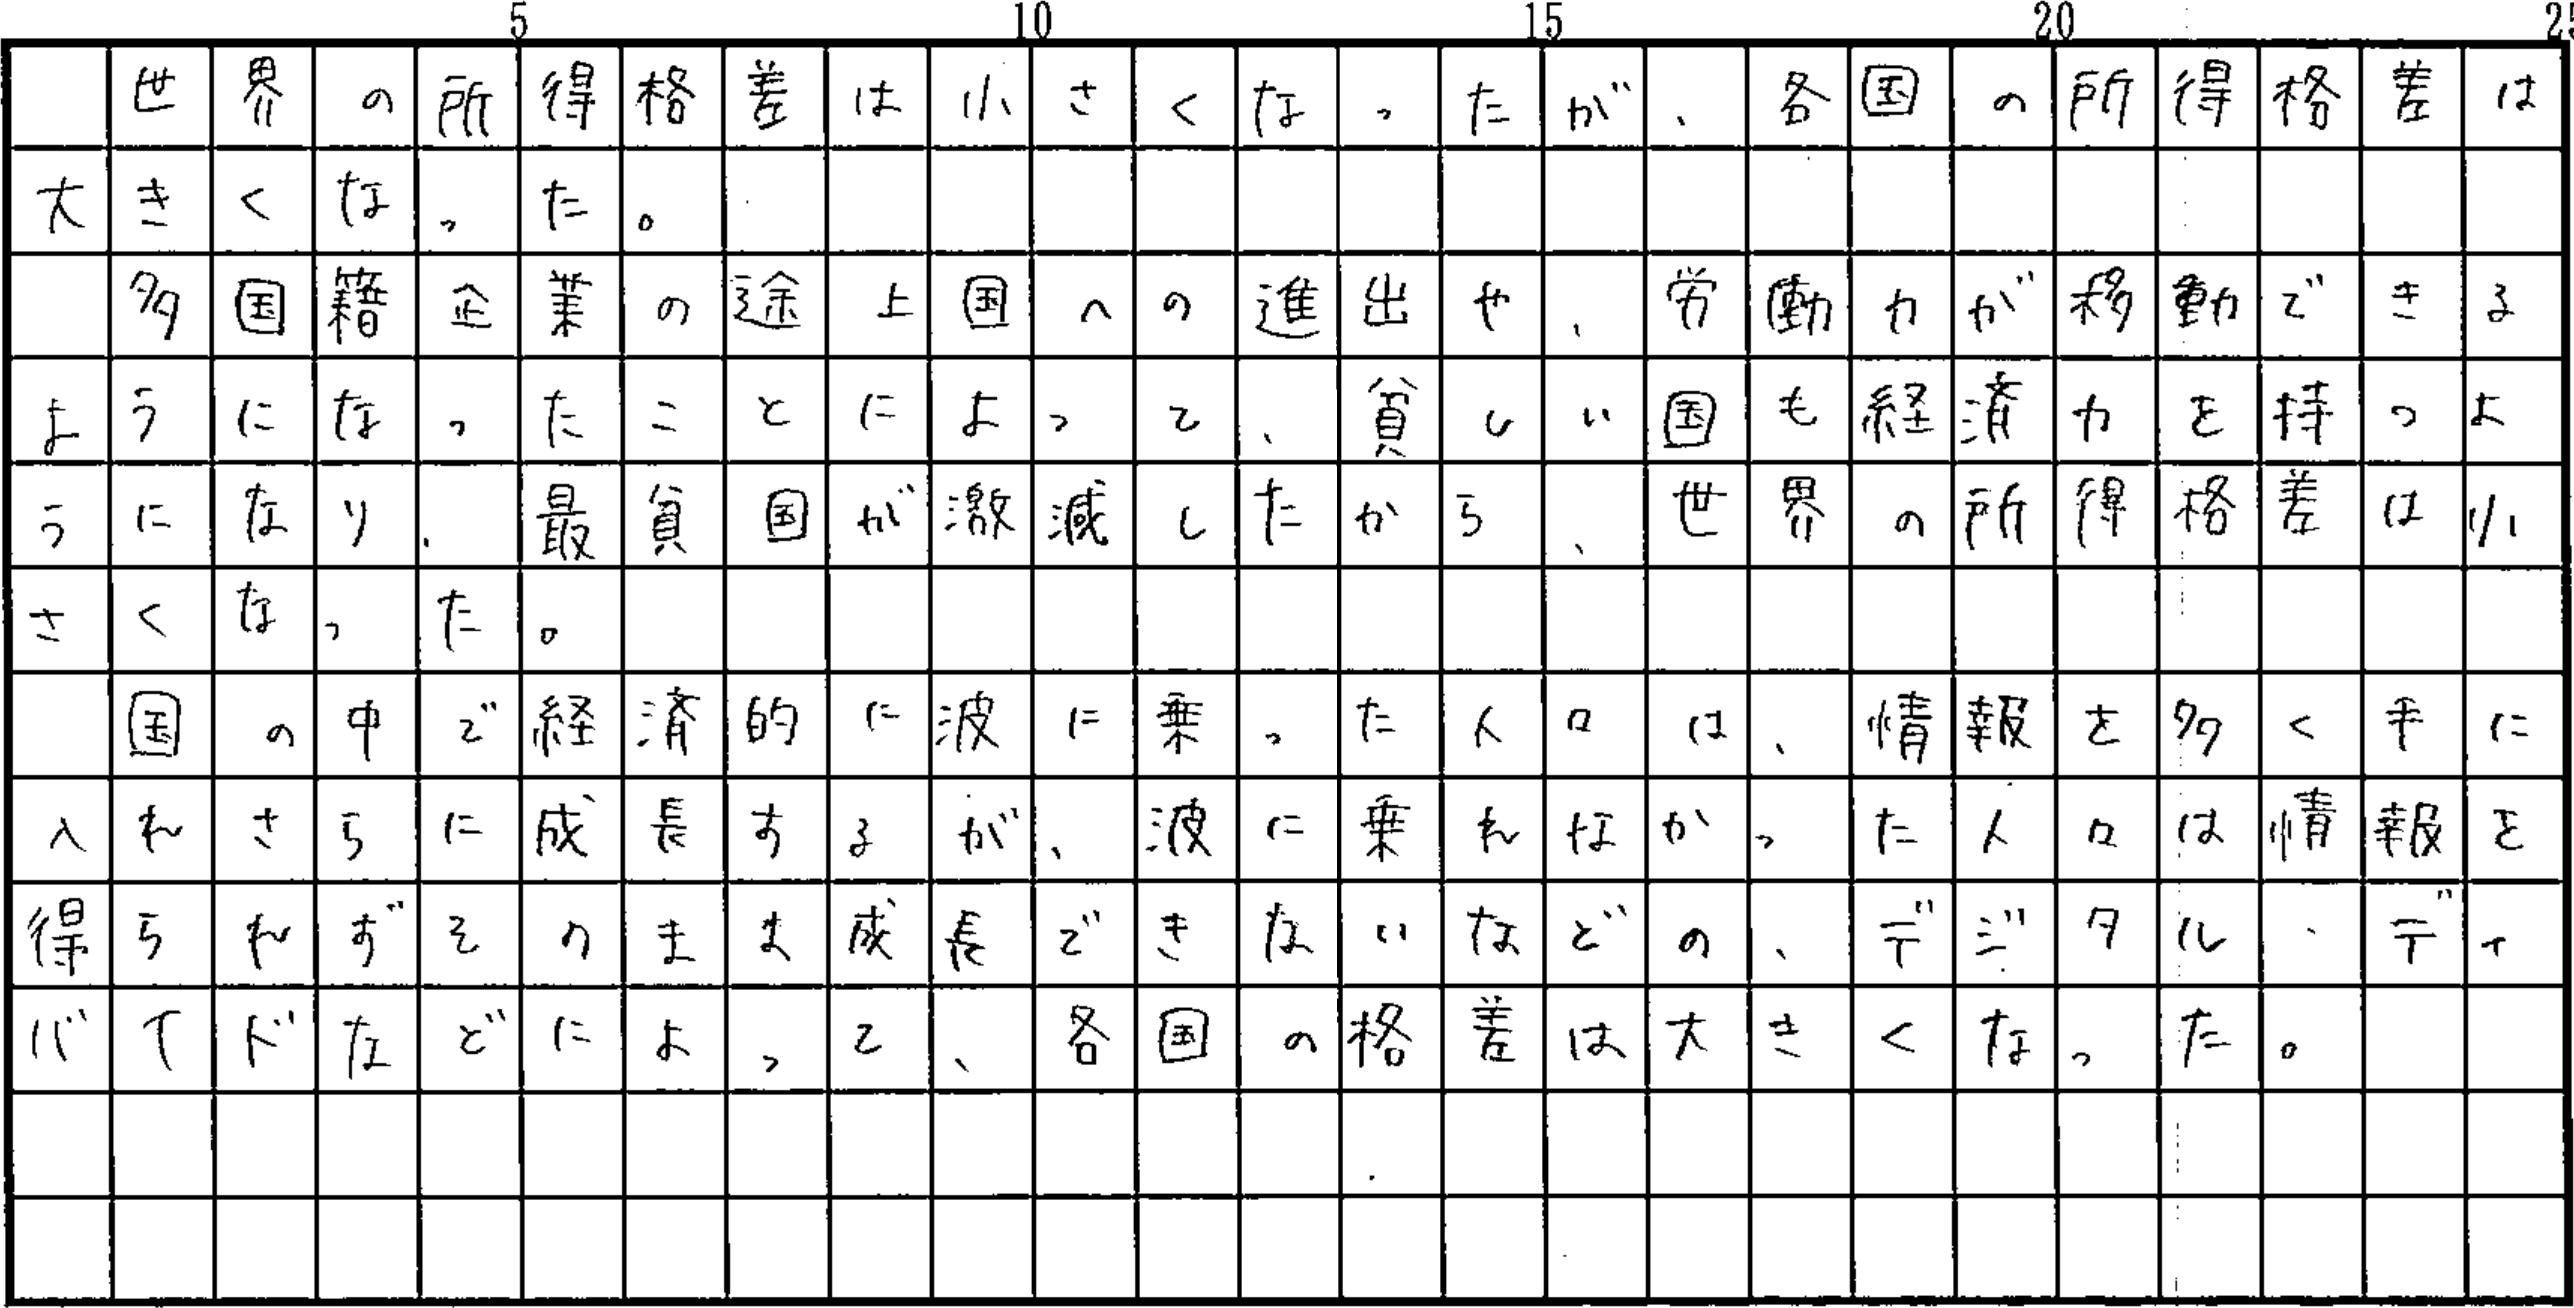　世界の所得格差は小さくなったが、各国の所得格差は大きくなった。
　多国籍企業の途上国への進出や、労働力が移動できるようになったことによって、貧しい国も経済力を持つようになり、最貧国が激減したから、世界の所得格差は小さくなった。
　国の中で経済的に波に乗った人々は、情報を多く手に入れさらに成長するが、波に乗れなかった人々は情報を得られずそのまま成長できないなどの、デジタル・ディバイドなどによって、各国の格差は大きくなった。
